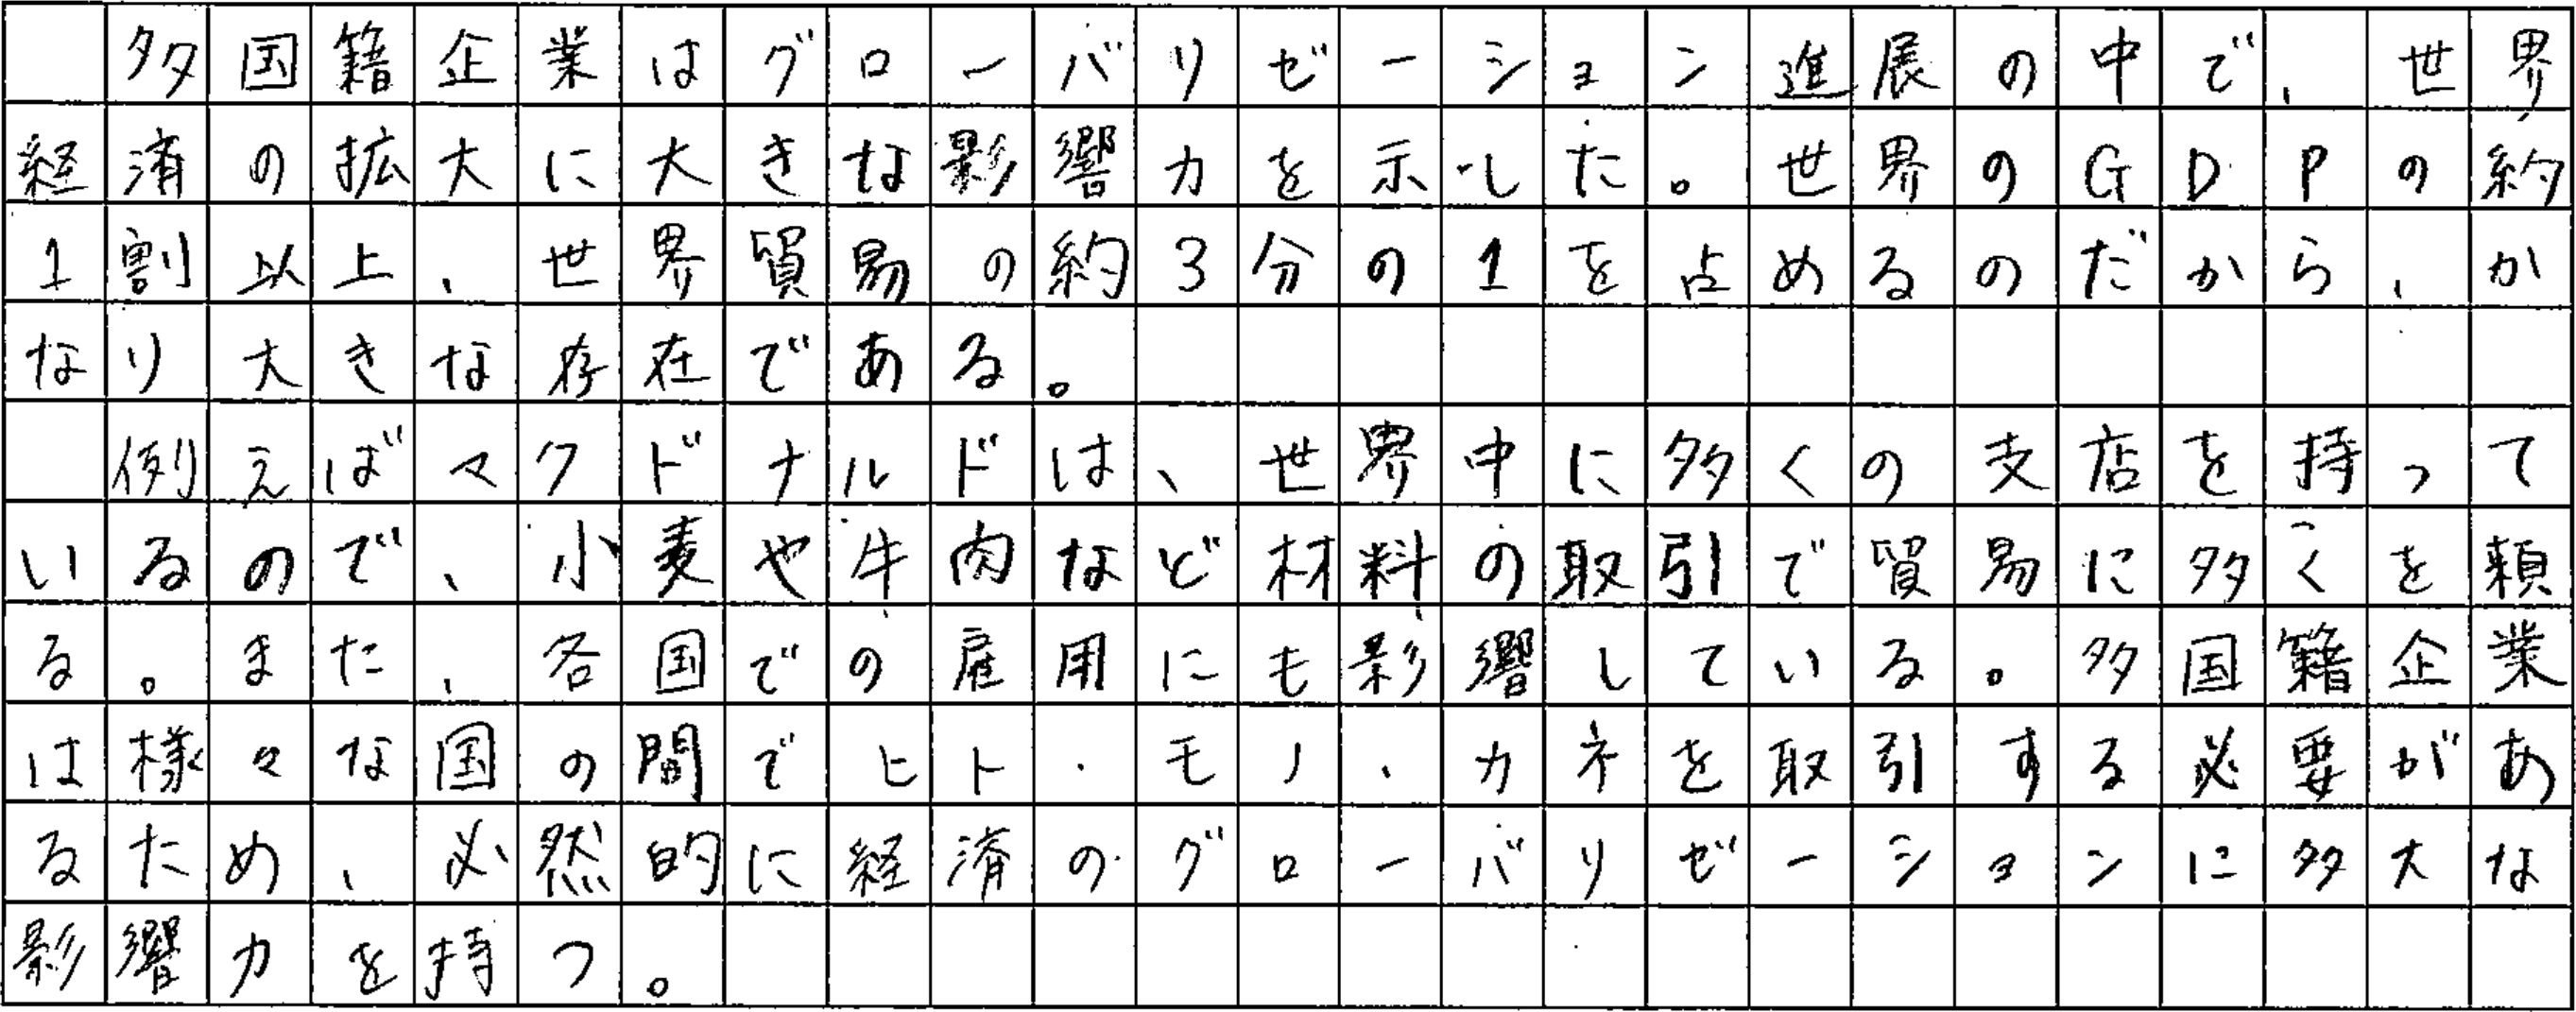　多国籍企業はグローバリゼーション進展の中で、世界経済の拡大に大きな影響力を示した。世界のＧＤＰの約１割以上、世界貿易の約３分の１を占めるのだから、かなり大きな存在である。
　例えばマクドナルドは、世界中に多くの支店を持っているので、小麦や牛肉など材料の取引で貿易に多くを頼る。また、各国での雇用にも影響している。多国籍企業は様々な国の間でヒト・モノ・カネを取引する必要があるため、必然的に経済のグローバリゼーションに多大な影響力を持つ。
